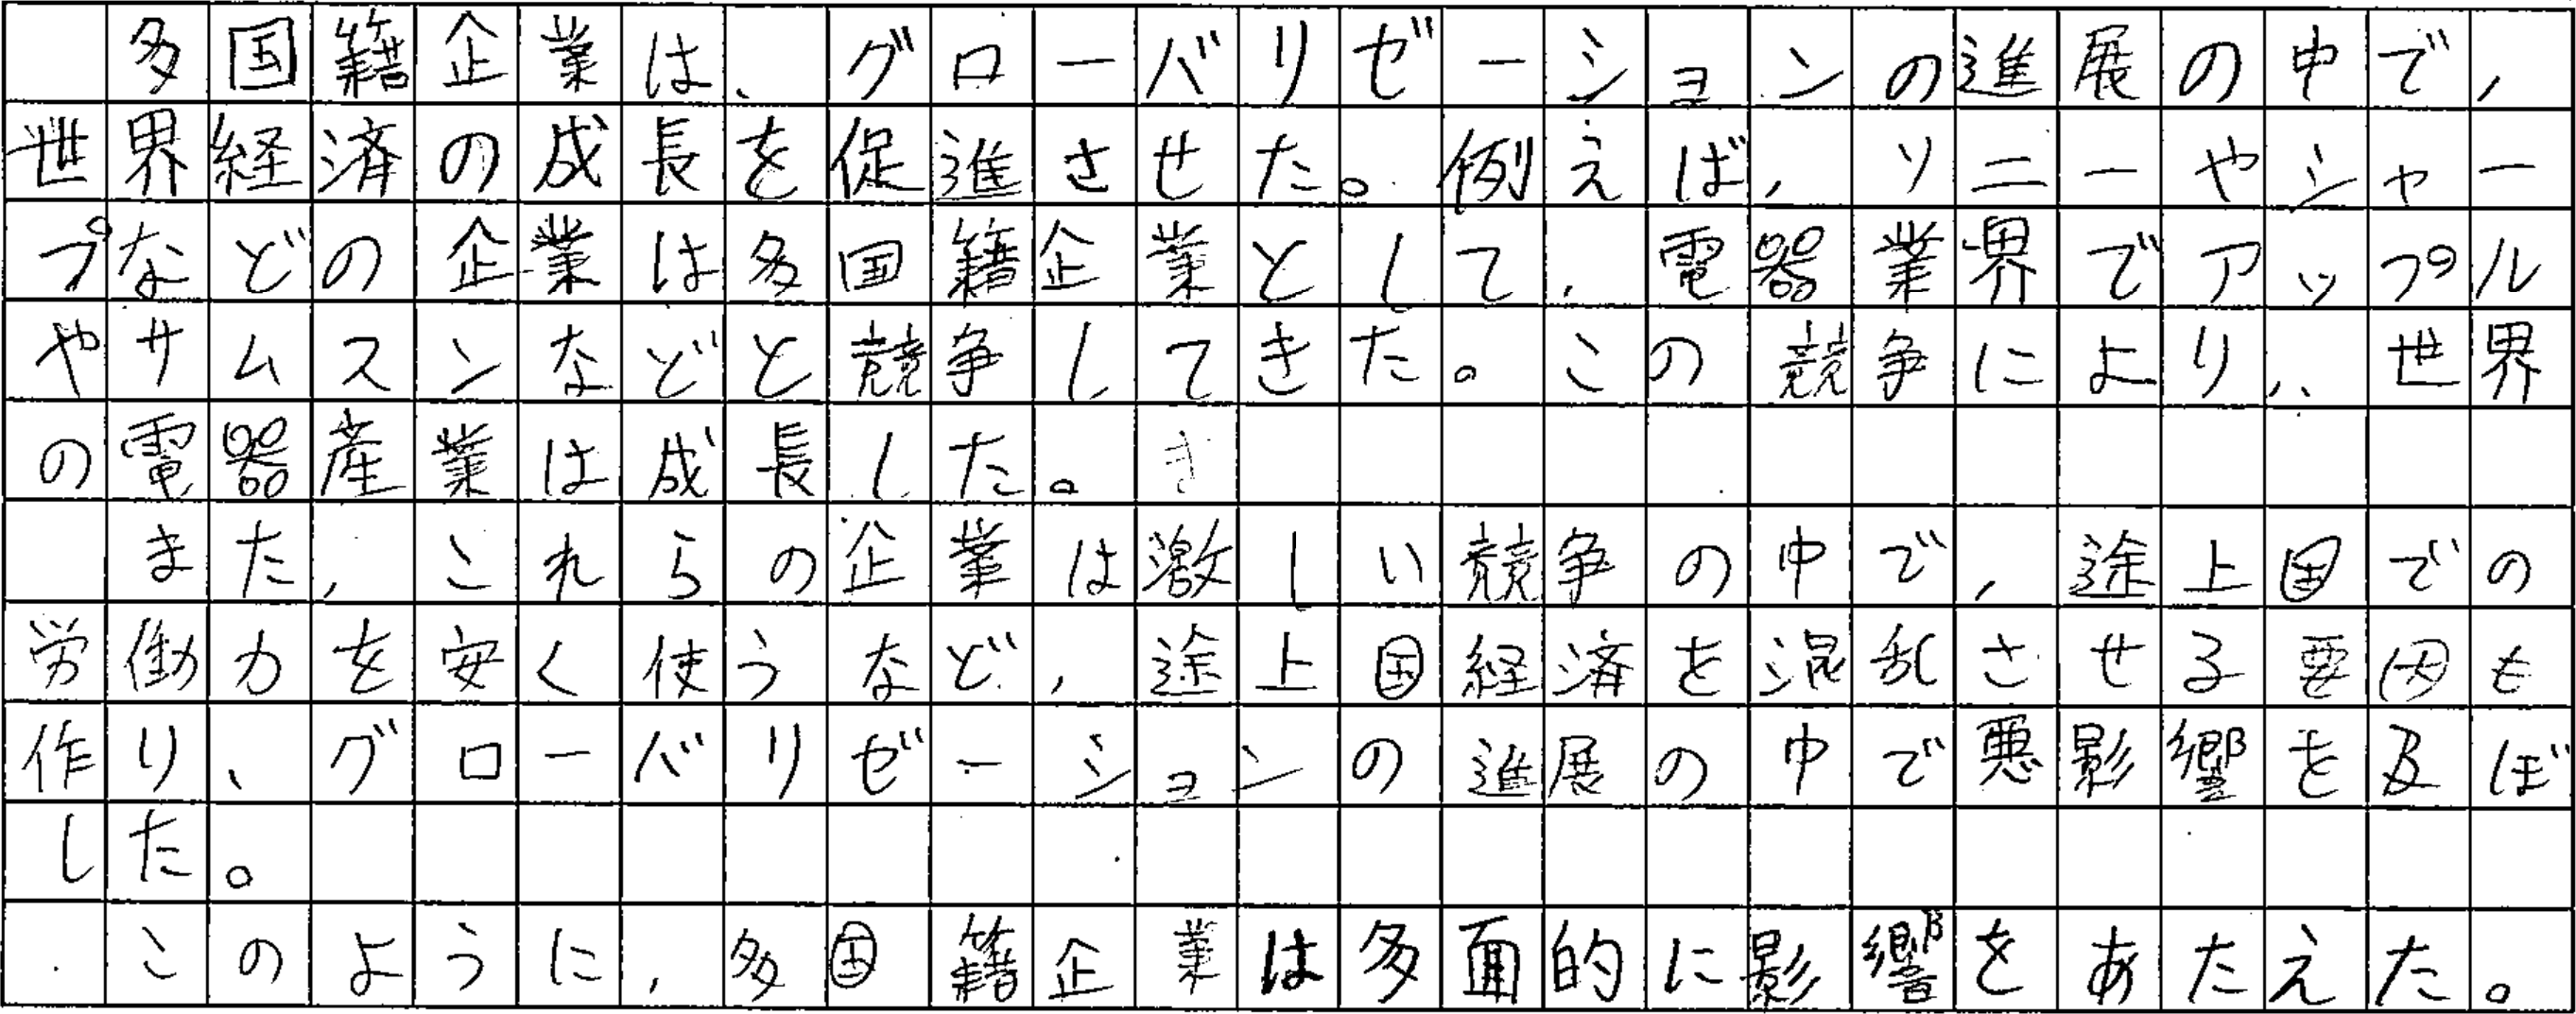　多国籍企業は、グローバリゼーションの進展の中で、世界経済の成長を促進させた。例えば、ソニーやシャープなどの企業は多国籍企業として、電器業界でアップルやサムスンなどと競争してきた。この競争により、世界の電器産業は成長した。
　また、これらの企業は激しい競争の中で、途上国での労働力を安く使うなど、途上国経済を混乱させる要因も作り、グローバリゼーションの進展の中で悪影響を及ぼした。
　このように、多国籍企業は多面的に影響をあたえた。
